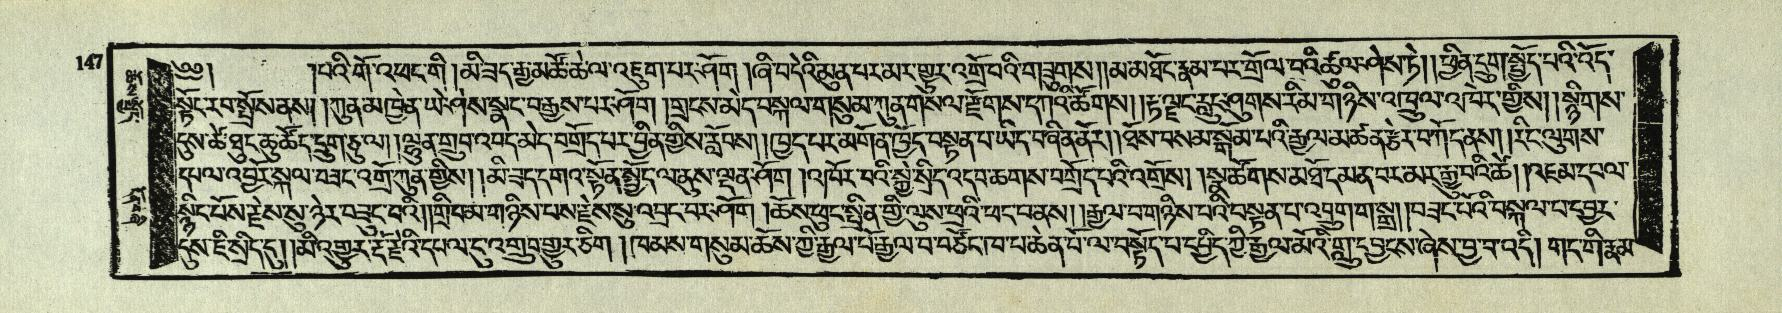༄༅། །པའི་གོ་འཕང་གི །མི་ཟད་རྒྱ་མཚོ་ཆེ་ལ་འཇུག་པར་ཤོག །ཞི་བདེའི་མུན་པར་མར་གྱུར་འགྲོ་བའི་གཟུགས། །མ་མཐོང་རྣམ་པར་གྲོལ་བའི་ཚུལ་ཤེས་ཏེ། །ཕྱིན་དྲུག་སྤྱོད་པའི་འོད་
སྟོང་རབ་སྤྲོས་ནས། །ཀུན་མཁྱེན་ཡེ་ཤེས་སྣང་བ་རྒྱས་པར་ཤོག །གྲངས་མེད་བསྐལ་གསུམ་ཀུན་གསལ་རྫོགས་དཀའི་ཚོགས། །རྟ་ལྗང་རླུང་ཤུགས་རིམ་གཉིས་འཁྲུལ་འཁེར་གྱིས། །སྙིགས་
དུས་ཚེ་ཐུང་ཆུ་ཚོད་དྲུག་ཅུ་ལ། །ལྷུན་གྲུབ་འབད་མེད་བགྲོད་པར་བྱིན་གྱིས་རློབས། །ཁྱད་པར་མགོན་ཁྱོད་བསྟན་པ་ཡིད་བཞིན་ནོར། །ཐོས་བསམ་སྒོམ་པའི་རྒྱལ་མཚན་རྩེར་བཀོད་ན། །རིང་ལུགས་
དཔལ་འབྱོར་སྐལ་བཟང་འགྲོ་ཀུན་གྱིས། །མི་ཟད་དགའ་སྟོན་སྤྱོད་ལ་ནུས་ལྡན་ཤོག །འཁོར་བའི་སྐྱེ་སྲིད་འདབ་ཆགས་བགྲོད་པའི་འགྲོས། །སྣ་ཚོགས་མཐོ་དམན་བར་མར་རྒྱུ་བའི་ཚེ། །འཇམ་དཔལ་
སྙིང་པོས་རྗེས་སུ་ཉེར་བཟུང་བའི། །གྲིབ་མ་གཉིས་པས་རྗེས་སུ་འབྲང་བར་ཤོག །ཆོས་ཕུང་སྤྲིན་གྱི་ལུས་ཕྲའི་ཕང་བ་ནས། །རྒྱལ་བ་གཉིས་པའི་བསྟན་པ་འབྲུག་ག་སྒྲ། །བཟང་པོའི་བསྐལ་པ་དབྱར་
དུས་ཇི་སྲིད་དུ། །མི་འགྱུར་རྡོ་རྗེའི་དཔལ་དུ་འགྲུབ་གྱུར་ཅིག །ཁམས་གསུམ་ཆོས་ཀྱི་རྒྱལ་པོ་རྒྱལ་བ་བཙོང་ཁ་པ་ཆེན་པོ་ལ་བསྟོད་པ་དཔྱིད་ཀྱི་རྒྱལ་མོའི་གླུ་དབྱངས་ཞེས་བྱ་བ་འདི། གང་གི་རྣམ་